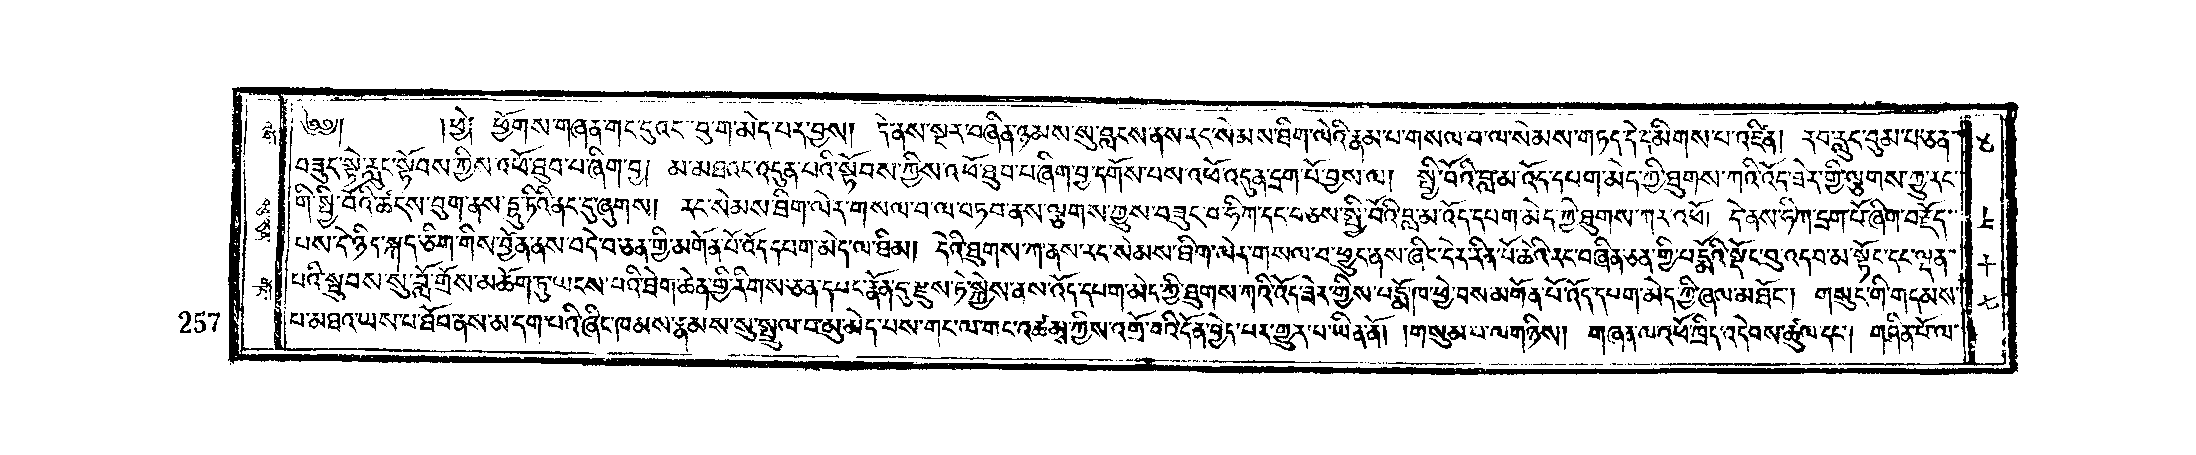༄༅། །ཕྱེ། ཕྱོགས་གཞན་གང་དུའང་བུ་ག་མེད་པར་བྱས། དེ་ནས་སྔར་བཞིན་ཉམས་སུ་བླངས་ནས་རང་སེམས་ཐིག་ལེའི་རྣམ་པ་གསལ་བ་ལ་སེམས་གཏད་དེ་དམིགས་པ་འཛིན། རབ་རླུང་བུམ་པ་ཅན་
བཟུང་སྟེ་རླུང་སྟོབས་ཀྱིས་འཕོ་ཐུབ་པ་ཞིག་བྱ། མ་མཐའང་འདུན་པའི་སྟོབས་ཀྱིས་འཕོ་ཐུབ་པ་ཞིག་བྱ་དགོས་པས་འཕོ་འདུན་དྲག་པོ་བྱས་ལ། སྤྱི་བོའི་བླ་མ་འོད་དཔག་མེད་ཀྱི་ཐུགས་ཀའི་འོད་ཟེར་གྱི་ལྕགས་ཀྱུ་རང་
གི་སྤྱི་བོའི་ཚངས་བུག་ནས་དྷུ་ཏིའི་ནང་དུ་ཞུགས། རང་སེམས་ཐིག་ལེར་གསལ་བ་ལ་བཏབ་ནས་ལྕགས་ཀྱུས་བཟུང་བ་ཧིཀ་དང་བཅས་སྤྱི་བོའི་བླ་མ་འོད་དཔག་མེད་ཀྱི་ཐུགས་ཀར་འཕོ། དེ་ནས་ཧིཀ་དྲག་པོ་ཞིག་བརྗོད་
པས་དེ་ཉིད་སྐད་ཅིག་གིས་བྱོན་ནས་བདེ་བ་ཅན་གྱི་མགོན་པོ་འོད་དཔག་མེད་ལ་ཐིམ། དེའི་ཐུགས་ཀ་ནས་རང་སེམས་ཐིག་ལེར་གསལ་བ་ཕྱུང་ནས་ཞིང་དེར་རིན་པོ་ཆེའི་རང་བཞིན་ཅན་གྱི་པདམོའི་སྡོང་བུ་འདབ་མ་སྟོང་དང་ལྡན་
པའི་སྦུབས་སུ་བློ་གྲོས་མཆོག་ཏུ་ཡངས་པའི་ཐེག་ཆེན་གྱི་རིགས་ཅན་དཔང་རྣོན་དུ་རྫུས་ཏེ་སྐྱེས་ནས་འོད་དཔག་མེད་ཀྱི་ཐུགས་ཀའི་འོད་ཟེར་གྱིས་པདམོ་ཁ་ཕྱེ་བས་མགོན་པོ་འོད་དཔག་མེད་ཀྱི་ཞལ་མཐོང་། གསུང་གི་གདམས་
པ་མཐའ་ཡས་པ་ཐོབ་ནས་མ་དག་པའི་ཞིང་ཁམས་རྣམས་སུ་སྤྲུལ་བ་མུ་མེད་པས་གང་ལ་གང་འཚམས་ཀྱིས་འགྲོ་བའི་དོན་བྱེད་པར་གྱུར་པ་ཡིན་ནོ། །གསུམ་པ་ལ་གཉིས། གཞན་ལ་འཕོ་ཁྲིད་འདེབས་ཚུལ་དང་། གཤིན་པོ་ལ་